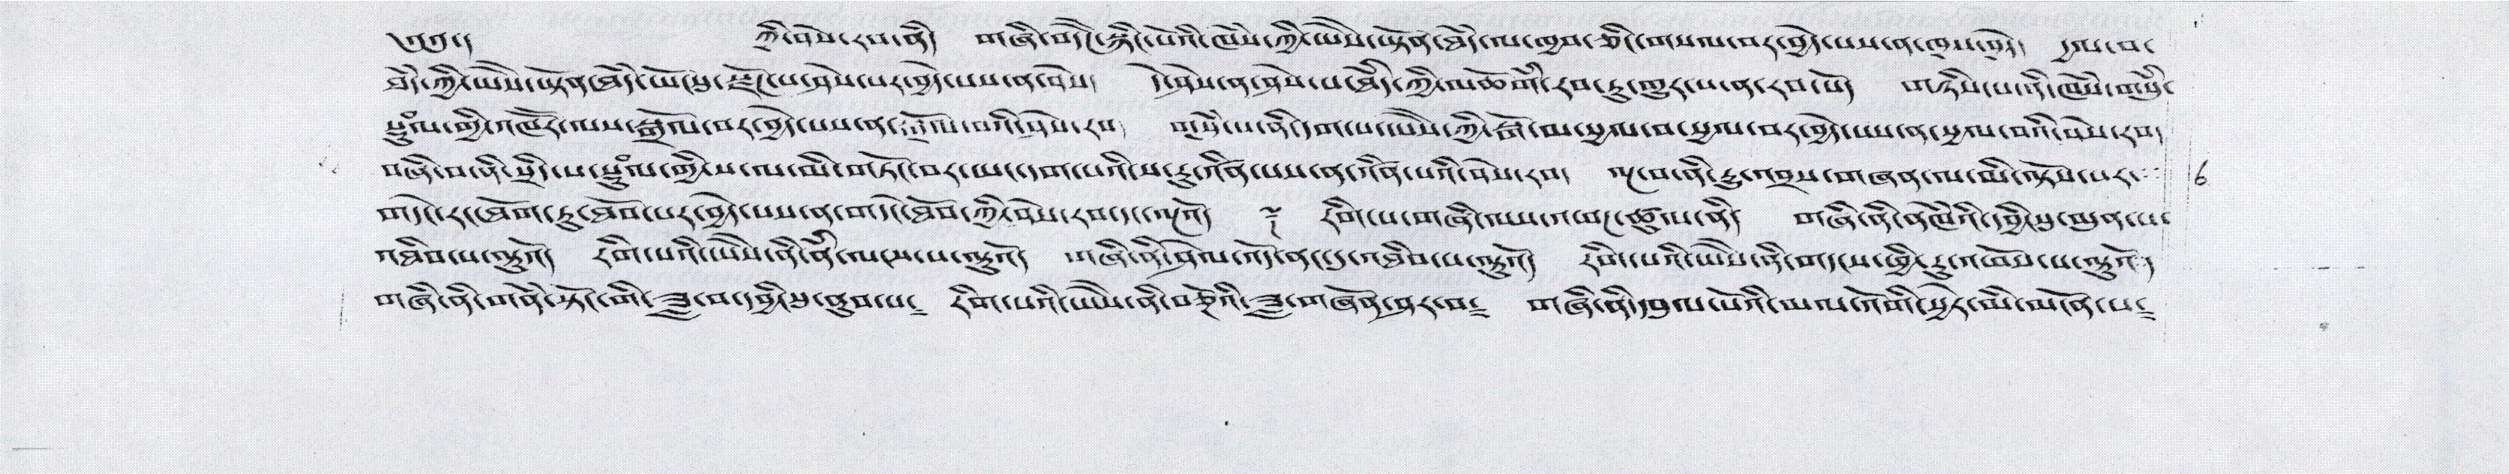ཀྱི་ཤེས་རབ་ནི། གཞི་བདེ་གཤེགས་སྙིང་པོའི་ཁམས་ཀྱི་ཡེ་ཤེས་ཡོན་ཏན་ཐམས་ཅད་ལ་ཁྱབ་ཅིང་གསལ་བར་བྱེད་པས་ན་ཁྱབ་བྱེད། རྒྱལ་བ་
ཐམས་ཅད་ཀྱི་ཡེ་ཤེས་ཡོན་ཏན་ཐམས་ཅད་ཡོངས་སུ་རྫོགས་པ་ཤེས་པར་བྱེད་པས་ན་ཤེས། དེ་ཤེས་ན་ཤེས་པ་ཐམས་ཅད་ཀྱི་མཆོག་གམ་རབ་ཏུ་གྱུར་པ་ན་རབ་བོ། གཉིས་པ་ནི་ཁམས་གསུམ་
སྡུག་བསྔལ་གྱི་འཁོར་ལོ་ལས་སྒྲོལ་བར་བྱེད་པས་ན་སྒྲོལ་བའི་ཤེས་རབ། གསུམ་པ་ནི་དག་པ་ཡེ་ཤེས་ཀྱི་སྒོ་མ་གསལ་བ་གསལ་བར་བྱེད་པས་ན་གསལ་བའི་ཤེས་རབ། 
བཞི་པ་ནི་སྲིད་པ་སྡུག་བསྔལ་གྱི་ས་ལ་མི་གཏོང་བར་ཡང་དག་པའི་ས་རུ་འཛིན་པས་ན་འཛིན་པའི་ཤེས་རབ། ལྔ་པ་ནི་རྒྱུ་འབྲས་གཞན་ལ་མི་ལྟོས་པར་
གདེང་རང་ཐོག་ཏུ་ཐོབ་པར་བྱེད་པས་ན་གདེང་ཐོབ་ཀྱི་ཤེས་རབ་དང་ལྔའོ། ༑ རིག་པ་གཞི་ལས་འཕགས་ཚུལ་ནི། གཞི་ནི་ནམ་མཁའི་དབྱིངས་སུ་མུན་པ་
འཐིབ་པ་ལྟ་བུའོ། རིག་པའི་ཡེ་ཤེས་ནི་ནམ་ལངས་པ་ལྟ་བུའོ། གཞི་ནི་ཤེལ་འོད་ནང་དུ་འཐིབ་པ་ལྟ་བུའོ། རིག་པའི་ཡེ་ཤེས་ནི་གདངས་ཕྱི་རུ་འཕོས་པ་ལྟ་བུའོ། 
གཞི་ནི་གནམ་སྟོང་གི་ཟླ་བ་དབྱིངས་སུ་ནུབ་པ། རིག་པའི་ཡེ་ཤེས་ནི་བཅོ་ལྔའི་ཟླ་གཞོན་ཤར་བ། གཞི་ནི་དབུལ་པོའི་མལ་འོག་གི་གསེར་མི་མངོན་པ།